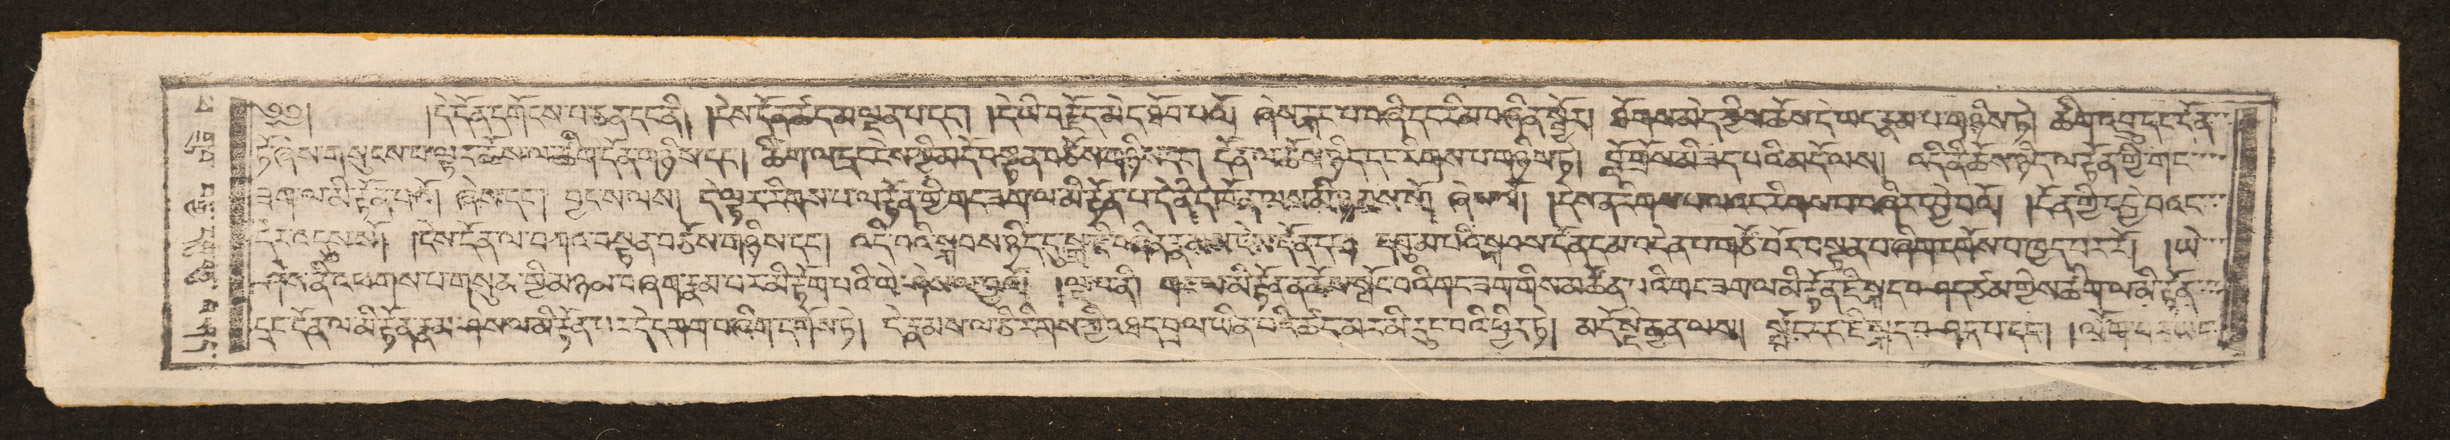༄༅། །དེ་དོན་དགོངས་པ་ཅན་དང་ནི། །དེས་དོན་ཚད་མ་ལྡན་པ་དང་། །དེ་ཡི་བརྗོད་མེད་ཐོབ་པའོ། ཞེས་རྐང་པ་བཞི་དང་རིམ་བཞིན་སྦྱོར། ཐོགས་མེད་ཀྱིས་ཆོས་དེ་ཡང་རྣམ་པ་གཉིས་ཏེ། ཚིག་འབྲུ་དང་དོན་
ཏོ་ཞེས་གསུངས་པ་ལྟར་ཆོས་ལ་ཚིག་དོན་གཉིས་དང་། ཚིག་ལ་དྲང་ངེས་ཀྱི་མདོ་བསྟན་བཅོས་གཉིས་དང་། དོན་ལ་ཆོས་ཉིད་དང་རིགས་པ་གཉིས་ཏེ། བློ་གྲོས་མི་ཟད་པའི་མདོ་ལས། འདི་ནི་ཆོས་ཉིད་ལ་རྟོན་གྱི་གང་
ཟག་ལ་མི་རྟོན་པའོ། ཞེས་དང་། བྱངས་ལས། དེ་ལྟར་རིགས་པ་ལ་རྟོན་གྱི་གང་ཟག་ལ་མི་རྟོན་བ་དེ་ནི་དེ་ཁོ་ན་ལས་མི་ཉམས་པོ། ཞེས་སོ། །དེས་ན་རིགས་པ་ལའང་རིགས་པ་བཞིར་དབྱེ་བའོ། །དོན་གྱི་དབྱེ་བའང་
དེར་འདུས་སོ། །དེས་དོན་ལ་བཀའ་བསྟན་བཅོས་གཉིས་དང་། འདི་བའི་སྐབས་ཉིད་དུ་སྒྲ་ཇི་བཞིན་རྣམས་དེས་དོན་དང་། དབུ་མ་པའི་སྐབས་དོན་དམ་བདེན་པ་གཙོ་བོར་བསྟན་བ་ཞིག་དགོས་བ་ཁྱད་པར་རོ། །ཡེ་
ཤེས་ནི་འཕགས་པ་གསུམ་གྱི་མཉམ་བཞག་རྣམ་པར་མི་རྟོག་པའི་ཡེ་ཤེས་ལ་བྱའོ། །ལྔ་པ་ནི། གང་ལ་མི་རྟོན་ན་ཆོས་སྤོང་བའི་གང་ཟག་གིས་མཚོན་བའི་གང་ཟག་ལ་མི་རྟོན་ཇི་སྐད་བཤད་ཙམ་གྱིས་ཚིག་ལ་མི་རྟོན་
དྲང་དོན་ལ་མི་རྟོན་རྣམ་ཤེས་ལ་མི་རྟོན་བར་དེ་དགག་པ་ཞིག་དགོས་ཏེ། དེ་རྣམས་ལ་ཅི་རིགས་ཀྱི་འཐད་བྲལ་ཡིན་པའི་ཚད་མར་མི་རུང་བའི་ཕྱིར་ཏེ། མདོ་སྡེ་རྒྱན་ལས། སྤོང་དང་ཇི་སྐད་བཤད་པ་དང་། །ལོག་པར་ཡང་